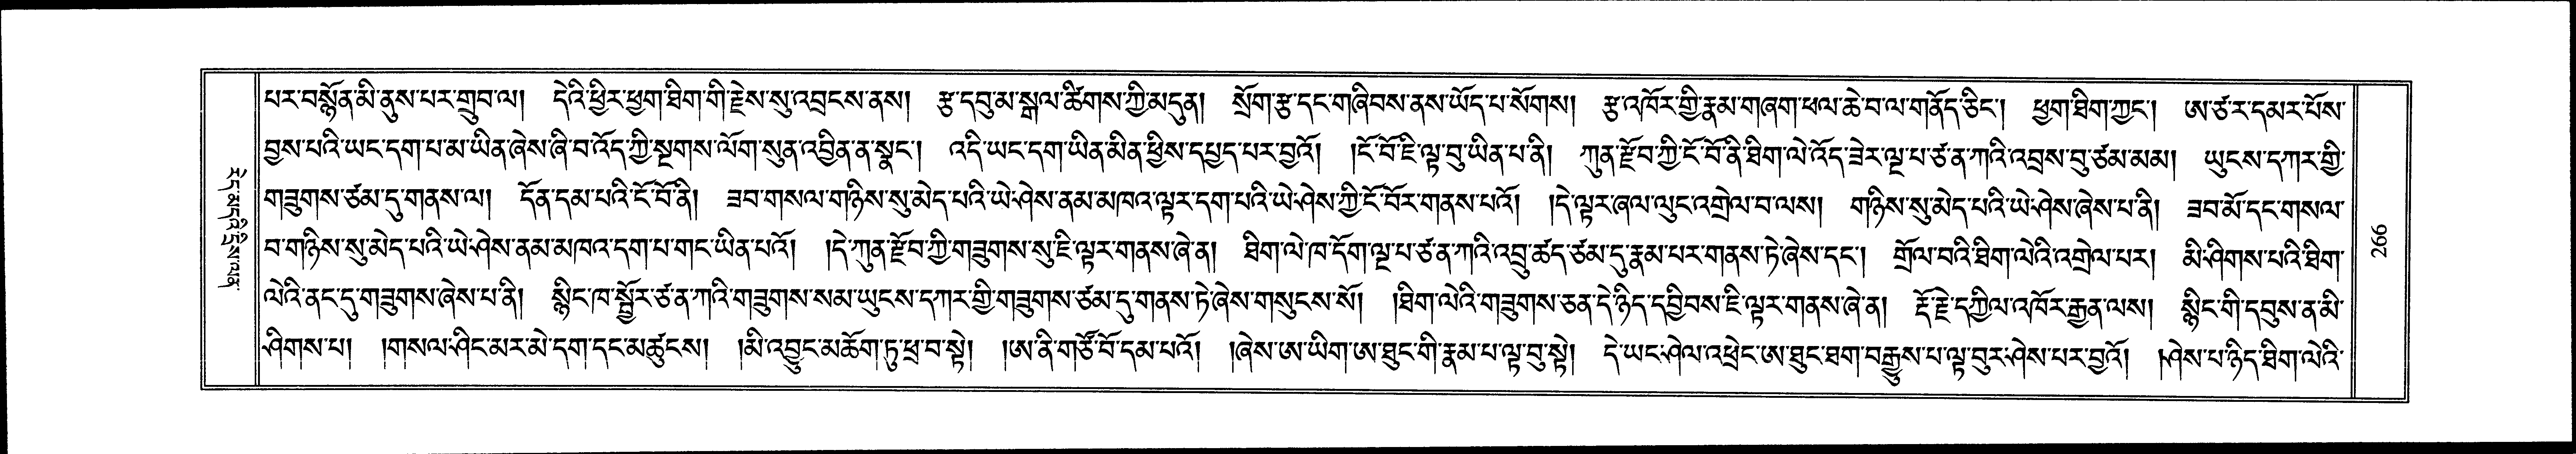པར་བསྙོན་མི་ནུས་པར་གྲུབ་ལ། དེའི་ཕྱིར་ཕྱག་ཐིག་གི་རྗེས་སུ་འབྲངས་ནས། རྩ་དབུ་མ་སྒལ་ཚིགས་ཀྱི་མདུན། སྲོག་རྩ་དང་གཞིབས་ནས་ཡོད་པ་སོགས། རྩ་འཁོར་གྱི་རྣམ་གཞག་ཕལ་ཆེ་བ་ལ་གནོད་ཅིང་། ཕྱག་ཐིག་ཀྱང་། ཨ་ཙ་ར་དམར་པོས་
བྱས་པའི་ཡང་དག་པ་མ་ཡིན་ཞེས་ཞི་བ་འོད་ཀྱི་སྔགས་ལོག་སུན་འབྱིན་ན་སྣང་། འདི་ཡང་དག་ཡིན་མིན་ཕྱིས་དཔྱད་པར་བྱའོ། །ངོ་བོ་ཇི་ལྟ་བུ་ཡིན་པ་ནི། ཀུན་རྫོབ་ཀྱི་ངོ་བོ་ནི་ཐིག་ལེ་འོད་ཟེར་ལྔ་པ་ཙ་ན་ཀའི་འབྲས་བུ་ཙམ་མམ། ཡུངས་དཀར་གྱི་
གཟུགས་ཙམ་དུ་གནས་ལ། དོན་དམ་པའི་ངོ་བོ་ནི། ཟབ་གསལ་གཉིས་སུ་མེད་པའི་ཡེ་ཤེས་ནམ་མཁའ་ལྟར་དག་པའི་ཡེ་ཤེས་ཀྱི་ངོ་བོར་གནས་པའོ། །དེ་ལྟར་ཞལ་ལུང་འགྲེལ་བ་ལས། གཉིས་སུ་མེད་པའི་ཡེ་ཤེས་ཞེས་པ་ནི། ཟབ་མོ་དང་གསལ་
བ་གཉིས་སུ་མེད་པའི་ཡེ་ཤེས་ནམ་མཁའ་དག་པ་གང་ཡིན་པའོ། །དེ་ཀུན་རྫོབ་ཀྱི་གཟུགས་སུ་ཇི་ལྟར་གནས་ཞེ་ན། ཐིག་ལེ་ཁ་དོག་ལྔ་པ་ཙ་ན་ཀའི་འབྲུ་ཚད་ཙམ་དུ་རྣམ་པར་གནས་ཏེ་ཞེས་དང་། གྲོལ་བའི་ཐིག་ལེའི་འགྲེལ་བར། མི་ཤིགས་པའི་ཐིག་
ལེའི་ནང་དུ་གཟུགས་ཞེས་པ་ནི། སྙིང་ཁ་སྦྱོར་ཙ་ན་ཀའི་གཟུགས་སམ་ཡུངས་དཀར་གྱི་གཟུགས་ཙམ་དུ་གནས་ཏེ་ཞེས་གསུངས་སོ། །ཐིག་ལེའི་གཟུགས་ཅན་དེ་ཉིད་དབྱིབས་ཇི་ལྟར་གནས་ཞེ་ན། རྡོ་རྗེ་དཀྱིལ་འཁོར་རྒྱན་ལས། སྙིང་གི་དབུས་ན་མི་
ཤིགས་པ། །གསལ་ཤིང་མར་མེ་དག་དང་མཚུངས། །མི་འབྱུང་མཆོག་ཏུ་ཕྲ་བ་སྟེ། །ཨ་ནི་གཙོ་བོ་དམ་པའོ། །ཞེས་ཨ་ཡིག་ཨ་ཐུང་གི་རྣམ་པ་ལྟ་བུ་སྟེ། དེ་ཡང་ཤེལ་འཕྲེང་ཨ་ཐུང་ཐག་བརྒྱུས་པ་ལྟ་བུར་ཤེས་པར་བྱའོ། །ཤེས་པ་ཉིད་ཐིག་ལེའི་